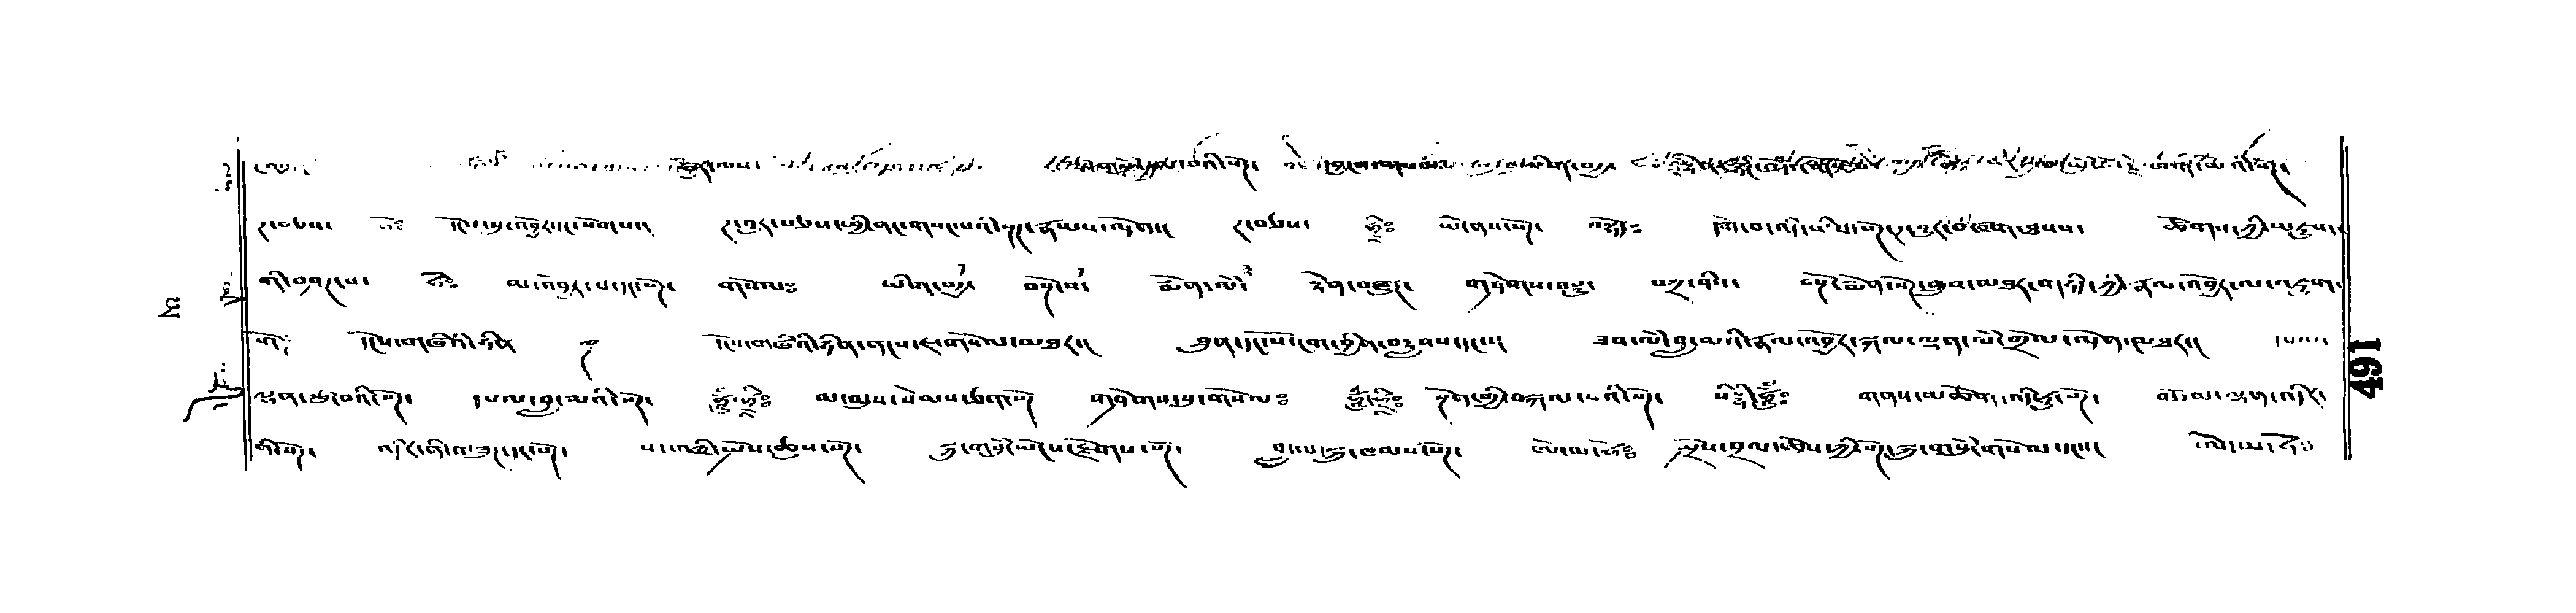སྦྱར་ལས། རྩ་གསུམ་རྒྱལ་བའི་སོགས། དབྱངས་གསལ། ཡིག་བརྒྱ། རྟེན་སྙིང་། འདོད་གསོལ། ཧོཿ རྒྱལ་ཡུམ་རྡོ་རྗེ་ཕག་མོའི་སོགས། 
ཌཱ་བཅས། ཧོཿ དངོས་སུ་འབྱོར་དང་སོགས། ཌཱ་འུར་བཅས་ཕྱི་ནང་གསང་བའི་སྔགས་རྣམས་འདོན། ཌཱ་བཅས། ཧྲཱིཿ ཡེ་ནས་སོགས། ས བསྟོད༔ དགེ་བ་འདི་ཡིས་སོགས་ཌཱ་འུར་བཞག་ཐབས། ཚོགས་ཀྱི་མཇུག་
གི་བཤགས་པ། ཧོཿ མ་འབྱོར་པ་དང་སོགས། གསོལ། ཡིག་བརྒྱ་གཅིག བསྔོ་བ། སྨོན་ལམ་གསུམ། རྟེན་བཞུགས། གཤེགས་བསྡུ། བཀྲ་ཤིས། བསྔོ་སྨོན་སོགས་གྲུབ་མཐར་གཉིེད་ཀྱི་རྣལ་འབྱོར་ལ་འཇུག་
གོ། ༈ དངོས་གཞིའི་ཉིན་ནངས་ཇ་གསོལ་མཐར། ཐུན་དང་པོ་ངག་བྱིན་བརླབས་དང་། ཟབ་ལམ་བླ་མའི་རྣལ་འབྱོར་སྐལ་ལྡན་ལམ་གྲོལ་འདོན་མཐར། དཔལ་
ལྡན་རྩ་བའི་སོགས།དཔལ་བླ་མའི་སོགས། ཧཱུྃ་ཧྲཱིཿ མ་ལུས་སེམས་ཅན་སོགས། གཤེགས་སུ་གསོལ༔ ཧཱུྃ་ཧྲཱིཿ སྔོན་གྱི་བསྐལ་པའི་སོགས། སིདྡྷི་ཧཱུྃ༔ གནས་མཆོག་འདི་རུ་སོགས། བཅོམ་ལྡན་འདིར་
ནི་སོགས། འདིར་ནི་གཟུགས་དང་སོགས། ས་གཞྀ་སྤོས་ཆུས་སོགས། སྐུ་གསུམ་ཡོངས་རྫོགས་སོགས། ས བླ་མ་སྐུ་ཁམས་སོགས། ཨེ་མ་ཧོཿ སྤྲོས་བྲལ་ཆོས་ཀྱི་སོགས་སྐུ་གསུམ་གསོལ་འདེབས། ཨེ་མ་ཧོཿ